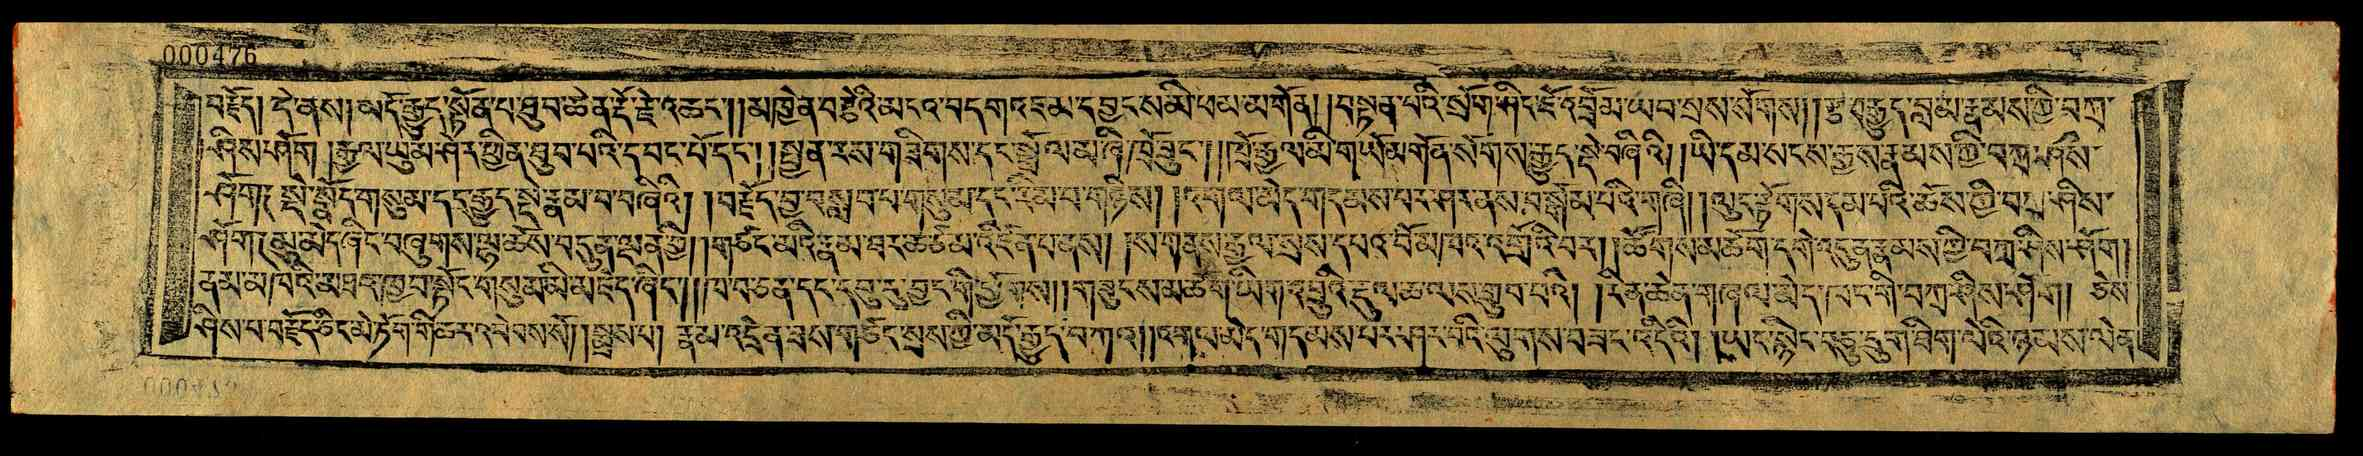བརྗོད། དེ་ནས། མདོ་རྒྱུད་སྟོན་པ་ཐུབ་ཆེན་རྡོ་རྗེ་འཆང་། །མཁྱེན་བརྩེའི་མངའ་བདག་འཇམ་དབྱངས་མི་ཕམ་མགོན། །བསྟན་པའི་སྲོག་ཤིང་ཇོ་འབྲོམ་ཡབ་སྲས་སོགས། །རྩ་བརྒྱུད་བླ་མ་རྣམས་ཀྱི་བཀྲ་
ཤིས་ཤོག །རྒྱལ་ཡུམ་ཤེར་ཕྱིན་ཐུབ་པའི་དབང་པོ་དང་། །སྤྱན་རས་གཟིགས་དང་སྒྲོལ་མ་ཞི་ཁྲོ་ཟུང་། །ཁྲོ་རྒྱལ་མི་གཡོ་མགོན་སོགས་རྒྱུད་སྡེ་བཞིའི། །ཡི་དམ་སངས་རྒྱས་རྣམས་ཀྱི་བཀྲ་ཤིས་
ཤོག༑ སྡེ་སྣོད་གསུམ་དང་རྒྱུད་སྡེ་རྣམ་པ་བཞིའི། །བརྗོད་བྱ་བསླབ་པ་གསུམ་དང་རིམ་པ་གཉིས། །འགལ་མེད་གདམས་པར་ཤར་ནས་བསྒོམ་པའི་གཞི། །ལུང་རྟོགས་དམ་པའི་ཆོས་ཀྱི་བཀྲ་ཤིས་
ཤོག༑ མུ་མེད་ཞིང་བཞུགས་ལྷ་ཆོས་བདུན་ལྡན་གྱི། །གཙང་མའི་རྣམ་ཐར་ཆ་ཙམ་འཛིན་པ་ནས། །ས་གནས་རྒྱལ་སྲས་དཔའ་བོ་མཁའ་འགྲོའི་བར། །ཚོགས་མཆོག་དགེ་འདུན་རྣམས་ཀྱི་བཀྲ་ཤེས་ཤོག །
ནམ་མཁའི་མཐའ་ཁྱབ་སྟོང་གསུམ་མི་མཇེད་ཞིང་། །ཁ་བ་ཅན་དང་དབུ་རུ་བྱང་གི་ཕྱོགས། །གཟུངས་མཆོག་ཡིག་འབྲུའི་རྡུལ་ཆ་ལས་གྲུབ་པའི། །རིན་ཆེན་གཞལ་མེད་ཁང་གི་བཀྲ་ཤིས་ཤོག ། ཅེས་
ཤིས་པ་བརྗོད་ཅིང་མེ་ཏོག་གི་ཆར་འབེབས་སོ། །སྨྲས་པ། རྣམ་འདྲེན་ཟས་གཙང་སྲས་ཀྱི་མདོ་རྒྱུད་བཀའ། །འགལ་མེད་གདམས་པར་ཤར་བའི་ལུགས་བཟང་འདིའི། །ཡང་སྙིང་བཅུ་དྲུག་ཐིག་ལེའི་ཉམས་ལེན་